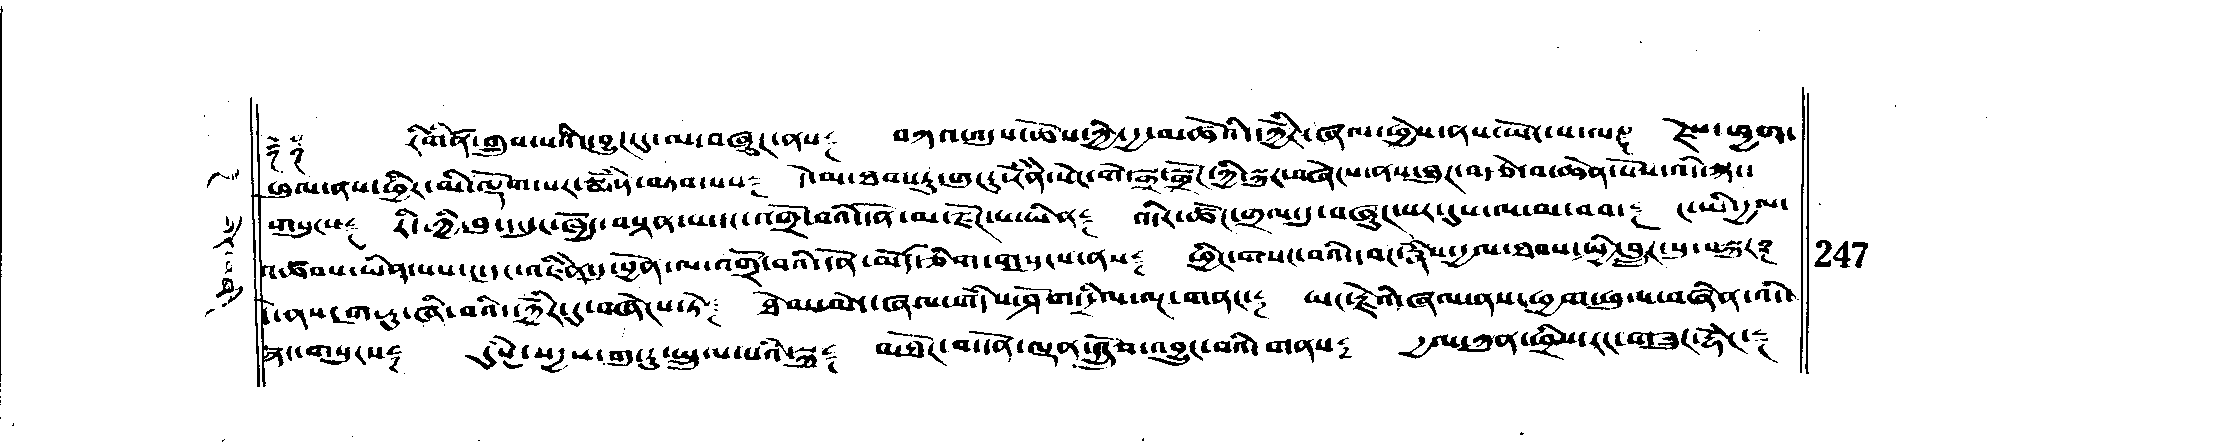རིག་འཛིན་གྲུབ་པའི་དབང་ཕྱུག་དུ་མ་བཞུགས་ནས། བཀའ་འདུས་ཆོས་ཀྱི་རྒྱ་མཚོའི་དཀྱིལ་འཁོར་ཞལ་ཕྱེས་ནས་ཡོད་པ་ལ། རྗེས་ཕྱག་
ཕུལ་ནས་ཕྱིར་མི་ལྡོག་པར་སྨོན་ལམ་བཏབ་པས། དེ་མ་ཐག་ཏུ་གུ་རུ་རིན་པོ་ཆེ་སེང་གེ་སྒྲ་སྒྲོགས་ཀྱི་སྐུར་བཞེངས་ནས་ཐུགས་བརྩེ་བ་ཆེན་པོས་འདི་སྐད་
གསུངས། རིགས་ཀྱི་བུ་ད་དུང་ཁྱོད་བསྟན་པ་དང་འགྲོ་བའི་དོན་མ་རྫོགས་པ་ཡིན། འདིར་ཚོགས་གྲལ་དུ་བཞུགས་པར་དུས་ལ་མ་བབ། ང་ཡི་རྒྱལ་
ཚབ་ཡིན་པས་ད་དུང་འཇིག་རྟེན་དུ་བྱོན་ལ་འགྲོ་བའི་དོན་མཛོད་ཅིག་གསུངས་ནས། ཕྱི་ནང་གསང་བའི་དབང་རྣམས་རྒྱལ་ཐབས་སྤྱི་བླུགས་སུ་བསྐུར། 
དེ་ནས་གུ་རུ་ཞི་བའི་དཀྱིལ་འཁོར་དུ་བཞེངས་ཏེ། ཐེམ་མེད་ཞལ་གདམས་ཤོག་དྲིལ་ལྔ་གནང་། ཡང་རྗེའི་ཞལ་ནས་ཕྱག་ཕུལ་བཞིན་འདི་
སྐད་གསུངས། དུས་གསུམ་སངས་རྒྱས་སྤྲུལ་པའི་སྐུ། །མཐོང་བ་དོན་ལྡན་དོངས་གྲུབ་འབྱུང་བའི་གནས། །རྒྱལ་ཀུན་ཕྲིན་ལས་རང་གཟུགས་རྡོ་རྗེ་འཆང་།